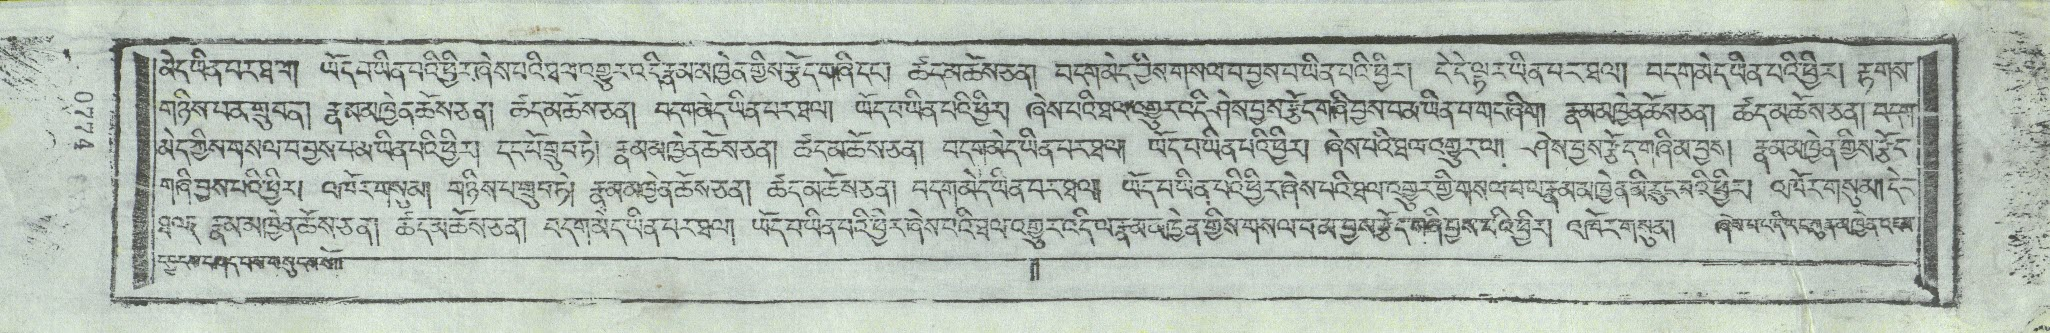མེད་ཡིན་པར་ཐལ། ཡོད་པ་ཡིན་པའི་ཕྱིར་ཞེས་པའི་ཐལ་འགྱུར་འདི་རྣམ་མཁྱེན་གྱིས་རྩོད་གཞི་དང་། ཚད་མཆོས་ཅན། བདག་མེད་ཀྱིས་གསལ་བ་བྱས་པ་ཡིན་པའི་ཕྱིར། དེ་དེ་ལྟར་ཡིན་པར་ཐལ། བདག་མེད་ཡིན་པའི་ཕྱིར། རྟགས་
གཉིས་པ་མ་གྲུབ་པ་ན། རྣམ་མཁྱེན་ཆོས་ཅན། ཚད་མཆོས་ཅན། བདག་མེད་ཡིན་པར་ཐལ། ཡོད་པ་ཡིན་པའི་ཕྱིར། ཞེས་པའི་ཐལ་འགྱུར་འདི་ཤེས་བྱས་རྩོད་གཞི་བྱས་པ་མ་ཡིན་པ་གང་ཞིག། རྣམ་མཁྱེན་ཆོས་ཅན། ཚད་མཆོས་ཅན། བདག་
མེད་ཀྱིས་གསལ་བ་བྱས་པ་མ་ཡིན་པའི་ཕྱིར། དང་བོ་གྲུབ་ཏེ། རྣམ་མཁྱེན་ཆོས་ཅན། ཚད་མཆོས་ཅན། བདག་མེད་ཡིན་པར་ཐལ། ཡོད་པ་ཡིན་པའི་ཕྱིར། ཞེས་པའི་ཐལ་འགྱུར་ལ། ཤེས་བྱས་རྩོད་གཞི་མ་བྱས། རྣམ་མཁྱེན་གྱིས་རྩོད་
གཞི་བྱས་བའི་ཕྱིར། འཁོར་གསུམ། གཉིས་པ་གྲུབ་ཏེ། རྣམ་མཁྱེན་ཆོས་ཅན། ཚད་མཆོས་ཅན། བདག་མེད་ཡིན་པར་ཐལ། ཡོད་པ་ཡིན་པའི་ཕྱིར་ཞེས་པའི་ཐལ་འགྱུར་གྱི་གསལ་བ་ལ་རྣམ་མཁྱེན་མི་རུང་བའི་ཕྱིར། འཁོར་གསུམ། དེར་
ཐལ༑ རྣམ་མཁྱེན་ཆོས་ཅན། ཚད་མ་ཆོས་ཅན། བདག་མེད་ཡིན་པར་ཐལ། ཡོད་པ་ཡིན་པའི་ཕྱིར་ཞེས་པའི་ཐལ་འགྱུར་འདི་ལ་རྣམ་མཁྱེན་གྱིས་གསལ་བ་མ་བྱས་རྩོད་གཞི་བྱས་པའི་ཕྱིར། འཁོར་གསུམ། ཞེས་པ་འདི་ཡང་ཀུན་མཁྱེན་འཇམ་
དབྱངས་བཞད་པས་གསུངས་སོ།། །།